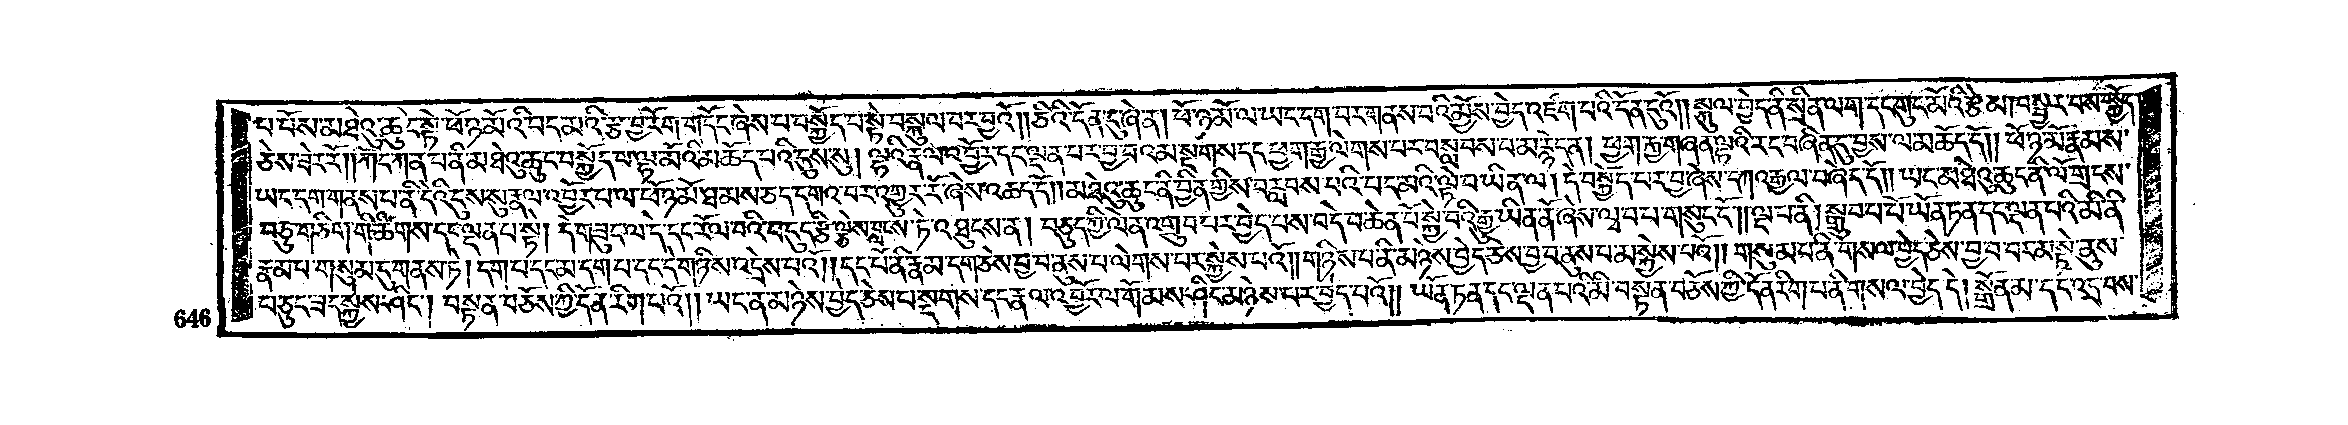པ་པོས་མཐེའུ་ཆུང་སྟེ་ཕོ་ཉ་མོའི་པད་མའི་རྩ་བྱ་རོག་གདོང་ཞེས་པ་བསྐྱོད་པ་སྟེ་བསྐུལ་བར་བྱའོ། །ཅིའི་དོན་དུ་ཞེ་ན། ཕོ་ཉ་མོ་ལ་ཡང་དག་པར་གནས་པའི་མྱོས་བྱེད་འཛག་པའི་དོན་དུའོ། །སྐུལ་བྱེད་ནི་སྲིན་ལག་དང་གུང་མོའི་རྩེ་མོ་ཁ་སྦྱར་བས་བསྐྱོད་
ཅེས་ཟེར་རོ། །ཀོང་ཀ་ན་པ་ནི་མཐེའུ་ཆུང་བསྐྱོད་པ་ལྷ་མོའི་མཆོད་པའི་དུས་སུ། ལྷའི་རྣལ་འབྱོར་དང་ལྡན་པར་བྱ་བའམ་སྔགས་དང་ཕྱག་རྒྱ་ལེགས་པར་བསླབས་པ་མ་རྙེད་ན། ཕྱག་རྒྱ་གཞན་ལྷའི་རང་བཞིན་དུ་བྱས་ལ་མཆོད་དོ། །ཕོ་ཉ་མོ་རྣམས་
ཡང་དག་གནས་པ་ནི་དེའི་དུས་སུ་རྣལ་འབྱོར་པ་ལ་ཕོ་ཉ་མོ་ཐམས་ཅད་དགའ་བར་འགྱུར་རོ་ཞེས་འཆད་དོ། །མཐེའུ་ཆུང་ནི་བྱིན་གྱིས་བརླབས་པའི་པད་མའི་ལྟེ་བ་ཡིན་ལ། དེ་བསྐྱོད་པར་བྱ་ཞེས་དཀའ་རྒྱལ་བཞེད་དོ། །ཡང་མཐེའུ་ཆུང་ནི་ལོ་གྲངས་
བཅུ་གཅིག་གི་ཚིགས་དང་ལྡན་པ་སྟེ། དེ་གཟུང་ལ་དེ་དང་རོལ་བའི་བདུད་རྩི་ལྕེས་བླངས་ཏེ་འཐུངས་ན། བཅུད་ཀྱི་ལེན་འགྲུབ་པར་བྱེད་པས་བདེ་བ་ཆེན་པོ་སྐྱེ་བའི་རྒྱུ་ཡིན་ནོ་ཞེས་ལྭ་བ་པ་གསུང་ངོ། །ལྔ་པ་ནི། སྒྲུབ་པ་པོ་ཡོན་ཏན་དང་ལྡན་པའི་མི་ནི་
རྣམ་པ་གསུམ་དུ་གནས་ཏེ། དག་པ་དང་མ་དག་པ་དང་དེ་གཉིས་འདྲེས་པའོ། །དང་པོ་ནི་རྣམ་དག་ཅེས་བྱ་བ་ནུས་པ་ལེགས་པར་སྐྱེས་པའོ། །གཉིས་པ་ནི་མཉེས་བྱེད་ཅེས་བྱ་བ་ནུས་པ་མ་སྐྱེས་པའོ། །གསུམ་པ་ནི་གསལ་བྱེད་ཅེས་བྱ་བ་བར་མ་སྟེ་ནུས་
པ་ཅུང་ཟད་སྐྱེས་ཤིང་། བསྟན་བཅོས་ཀྱི་དོན་རིག་པའོ། །ཡང་ན་མཉེས་བྱེད་ཅེས་པ་སྔགས་དང་རྣལ་འབྱོར་ལ་གོམས་ཤིང་མཉེས་པར་བྱེད་པའོ། །ཡོན་ཏན་དང་ལྡན་པའི་མི་བསྟན་བཅོས་ཀྱི་དོན་རིག་པ་ནི་གསལ་བྱེད་དེ། སྒྲོན་མ་དང་འདྲ་བས་